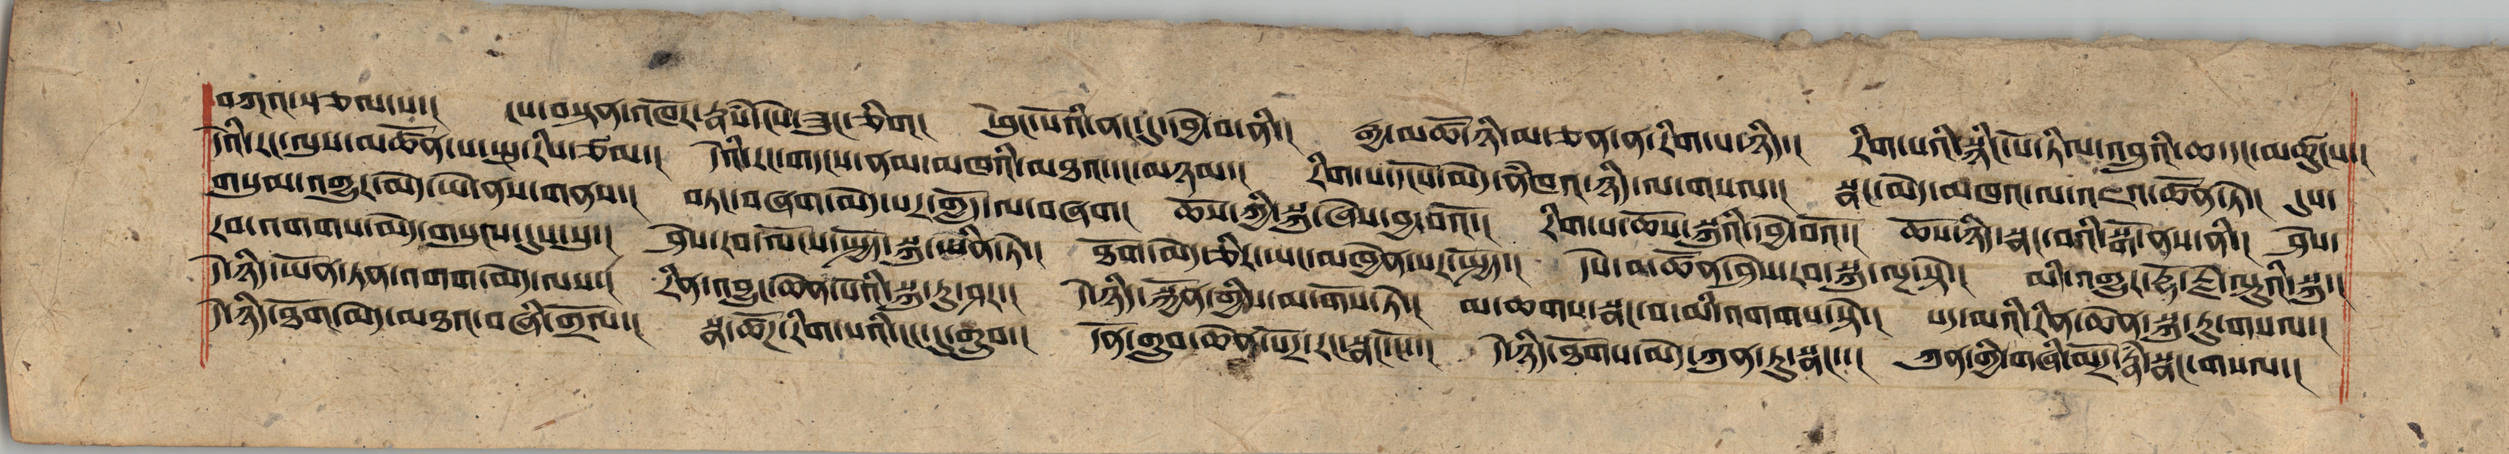བཀའ་སྩལ་པ་། ངས་བསྟན་འཁོར་རྣཾས་ངེས་ཟུང་ཅིག། ཕུང་པོའི་ནང་དུ་དབྱེ་བ་ནི་། རྒྱ་མཚོ་ཉི་མ་ཅན་ན་རིག་པ་ཉིད་། རིག་པའི་སྙིང་པོ་ཏིལ་འབྲུའི་ཆ་དང་མཚུངས་།
དེའི་རང་ལུས་མཚོན་པ་སྤུ་རིས་ཙམ་། དེའི་རང་གདངས་ནམ་མཁའི་མཐའ་དང་མཉམ་། རིག་པ་དངོས་མེད་ནཾཁའ་ཉིད་ལ་གསལ་། སྣང་མེད་མཁའ་ལ་འཇའ་ཚོན་ཏེ་། དུས་
གསུམ་འགྱུར་མེད་ཡེ་ནས་གནས་། བཏང་བཞག་མེད་པར་གློད་ལ་བཞག། ཆོས་ཀྱི་སྐུ་ཞེས་བྱ་བའོ་། རིག་པ་ཆོས་སྐུའི་དབྱེ་བའོ་། ཆོས་ཉིད་སྣང་བའི་སྒོ་ནས་ནི་། ཤེས་
རབ་འགགས་མེད་གསུངས་དུས་སུ་། ཤེས་རབ་ལོངས་སྤྱོད་སྐུ་ཡིན་ཏེ་། ཐོག་མེད་ཅིར་ཡང་མཁྱེན་པར་སྤྱོད་། དཔེ་མཚོན་ཤེས་རབ་སྐུ་ལྔ་སྟེ་། མི་འགྱུར་རྡོརྗེ་ལྟུའི་སྐུ་།
དེ་ཉིད་ཡོན་ཏན་འགག་མེད་ལས་། རིན་འབྱུང་ཆེན་པོའི་སྐུ་རུ་ཤར་། དེ་ཉིད་སྐྱོན་གྱིས་མ་གོས་ཏེ་། མ་ཆགས་སྣང་བ་མི་འགགས་སྟེ་། པད་མའི་རིན་ཆེན་སྐུ་རུ་གསལ་།
དེ་ཉིད་ཐོག་མེད་མཐའ་བཞི་གྲོལ་། སྣ་ཚོཌ་རིག་པའི་ངང་དུ་གྲུབ་། དོན་གྲུབ་ཆེན་པོར་རང་སྣང་ངོ་་། དེ་ཉིད་ཐོགས་མེད་ཀུན་ཏུ་སྣང་་། ཀུན་གྱི་གཞི་མོར་རྣཾ་སྣང་གསལ་།